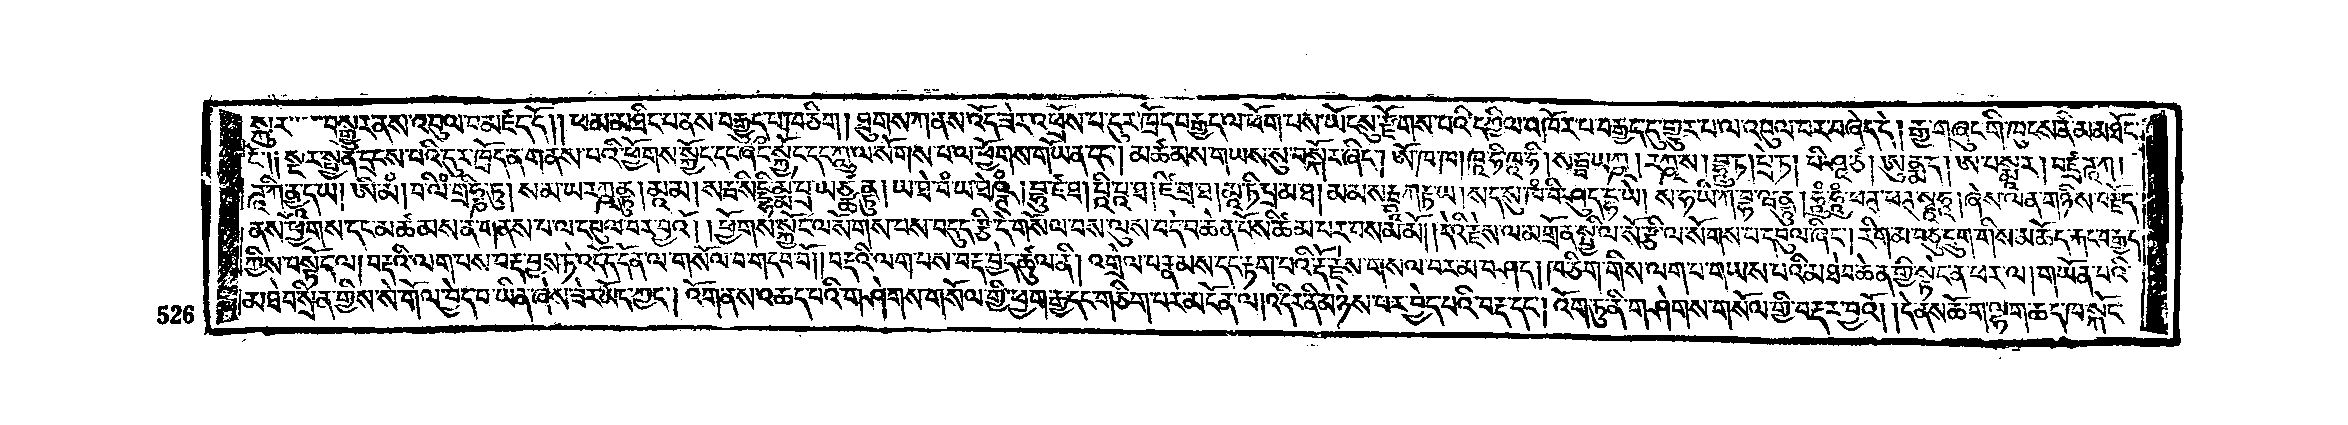སྐུར་བསྒྱུར་ནས་འབུལ་བ་མཛད་དོ། །ཕམ་མཐིང་པ་ནས་བརྒྱུད་པ་ཁ་ཅིག །ཐུགས་ཀ་ནས་འོད་ཟེར་འཕྲོས་པ་དུར་ཁྲོད་བརྒྱད་ལ་ཕོག་པས་ཡོངས་སུ་རྫོགས་པའི་དཀྱིལ་འཁོར་པ་བརྒྱད་དུ་གྱུར་པ་ལ་འབུལ་བར་བཞེད་དེ། རྒྱ་གཞུང་གི་ཁུངས་ནི་མ་མཐོང་
ངོ། །སྔར་སྦྱན་དྲངས་པའི་དུར་ཁྲོད་ན་གནས་པའི་ཕྱོགས་སྐྱོང་དང་ཞིང་སྐྱོང་དང་ཀླུ་ལ་སོགས་པ་ལ་ཕྱོགས་གཡོན་དང་། མཚམས་གཡས་སུ་བསྐོར་ཞིང་། ཨོཾ་ཁ་ཁ། ཁཱ་ཧི་ཁཱ་ཧི། སརྦྦ་ཡཀྵ། རཀྵ་ས། བྷཱུ་ཏ། པྲེ་ཏ། པི་ཤཱ་ཙ། ཨུནྨ་ད། ཨ་པསྨ་ར། བཛྲ་ཌཱ་ཀ།
ཌཱ་ཀི་ནྱཱ་ད་ཡ། ཨི་མཾ། བ་ལིཾ་གིཧྞ་ཏུ། ས་མ་ཡ་རཀྵནྟུ། མཱ་མ། སརྦ་སིདྡྷི་མྨེ་པྲ་ཡཙྪནྟུ། ཡ་ཐེ་བཾ་ཡ་ཐེཥྚཾ། བྷུ་ཛ་ཐ། པཱི་པཱ་ཐ། ཛི་གྲ་ཐ། མཱ་ཏི་པྲ་མ་ཐ། མ་མ་སརྦྦཱ་ཀ་རྟ་ཡ། སད་སུ་ཁཾ་བི་ཤུད་དྷ་ཡེ། ས་ཧ་ཡི་ཀ་བྷ་ཝནྟུ། ཧཱུཾ་ཧཱུཾ་ཕཊ་ཕཊ་སྭཱ་ཧཱ། ཞེས་ལེན་གཉིས་བརྗོད་
ནས་ཕྱོགས་དང་མཚམས་ན་གནས་པ་ལ་དབུལ་བར་བྱའོ། །ཕྱོགས་སྐྱོང་ལ་སོགས་པས་བདུད་རྩི་དེ་གསོལ་བས་ལུས་བདེ་བ་ཆེན་པོས་ཚིམ་པར་བསམ་མོ། །དེའི་རྗེས་ལ་མགྲོན་སྤྱི་ལ་སོ་རྩི་ལ་སོགས་པ་དབུལ་ཞིང་། རིག་མ་བཅུ་དྲུག་གིས་མཆོད་རྐང་བརྒྱད་
ཀྱིས་བསྟོད་ལ། བརྡའི་ལག་པས་བརྡ་བྱས་ཏེ་འདོད་དོན་ལ་གསོལ་བ་གདབ་བོ། །བརྡའི་ལག་པས་བརྡ་བྱེད་ཚུལ་ནི། འགྲེལ་པ་རྣམས་དང་རྟག་པའི་རྡོ་རྗེས་གསལ་བར་མ་བཤད། ཁ་ཅིག་གིས་ལག་པ་གཡས་པའི་མཐེབ་ཆེན་གྱི་སྟེང་ན་ཕར་ལ། གཡོན་པའི་
མཐེབ་སྲིན་གྱིས་སེ་གོལ་བྱེད་པ་ཡིན་ཞེས་ཟེར་མོད་ཀྱང་། འོག་ནས་འཆད་པའི་གཤེགས་གསོལ་གྱི་ཕྱག་རྒྱ་དང་གཅིག་པར་མངོན་ལ། འདིར་ནི་མཉེས་པར་བྱེད་པའི་བརྡ་དང་། འོག་ཏུ་ནི་གཤེགས་གསོལ་གྱི་བརྡར་བྱའོ། །དེ་ནས་ཆོ་ག་ལྷག་ཆད་ཁ་སྐོང་